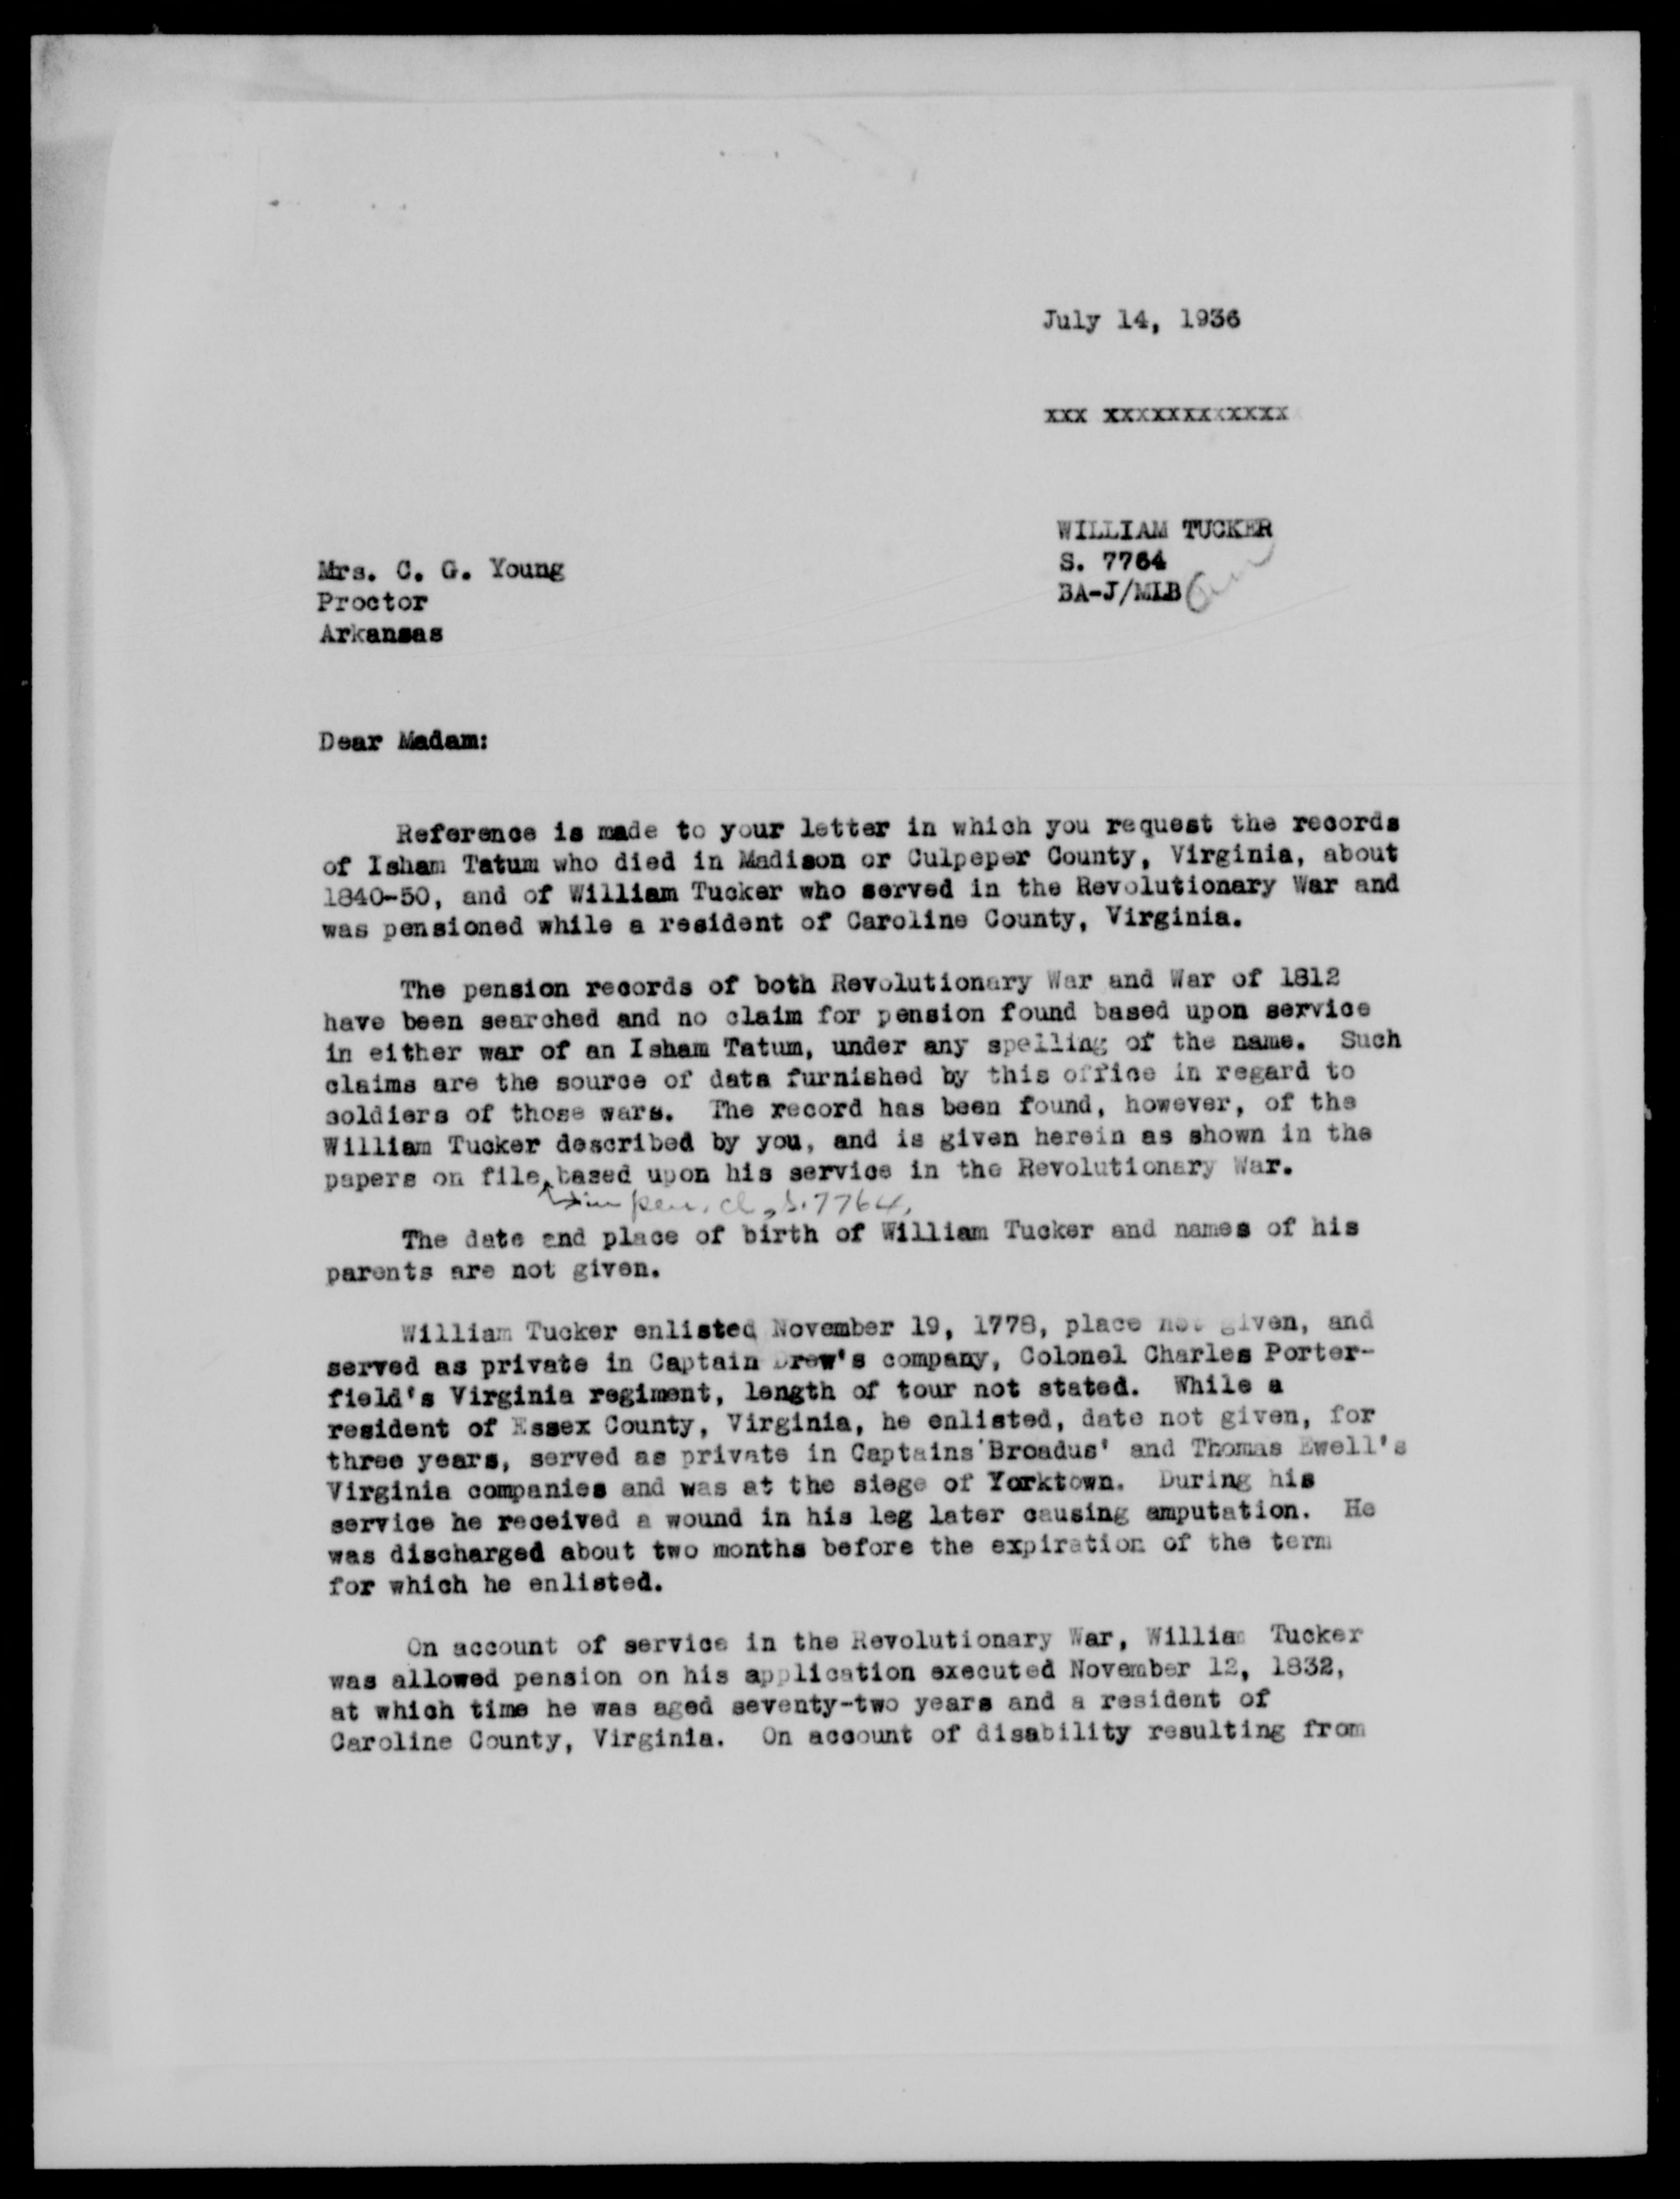July 14, 1936

xxx  xxxxxxxxxxxx

William Tucker
S. 7764
BA-J/MLB

Mrs. C. G. Young
Proctor
Arkansas 

Dear Madam:
Reference is made to your letter in which you request the records of Isham Tatum who died in Madison or Culpeper County, Virginia, about 1840 - 1850, and of William Tucker who served in the Revolutionary War and was pensioned while a resident of Caroline County, Virginia. 

The pension records of both Revolutionary War and War of 1812 have been searched and no claim for pension found based on service in either war of an Isham Tatum, under any spelling of the name. Such claims are the source of data furnished by this office in regard to soldiers of those wars. The record has been found, however, of the William Tucker described by you, and is given herein as shown in the papers on file based upon his service in the Revolutionary War. 

The date and place of birth of William Tucker and names of his parents are not given. 

William Tucker enlisted November 19, 1778, place not given, and served as private in Captain Drew’s company, Colonel Charles Porterfield’s Virginia regiment, length of tour not stated. While a resident of Essex County, Virginia, he enlisted, date not given, for three years, served as private in Captains ‘Broadus’ and Thomas Ewell’s Virginia companies and was at the siege of Yorktown. During his service he received a wound in his leg later causing amputation. He was discharged about two months before the expiration of the term for which he enlisted.

On account of service in the Revolutionary War, William Tucker was allowed pension on his application executed November 12, 1832, at which time he was aged seventy two years and a resident of Caroline Count, Virginia. On account of disability resulting from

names: William Tucker, Isham Tatum, William Tucker, Isham Tatum, William Tucker, William Tucker, C G Young, William Tucker, William Tucker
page: 8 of 13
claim: survivor's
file: S. 7764, William Tucker, Va.